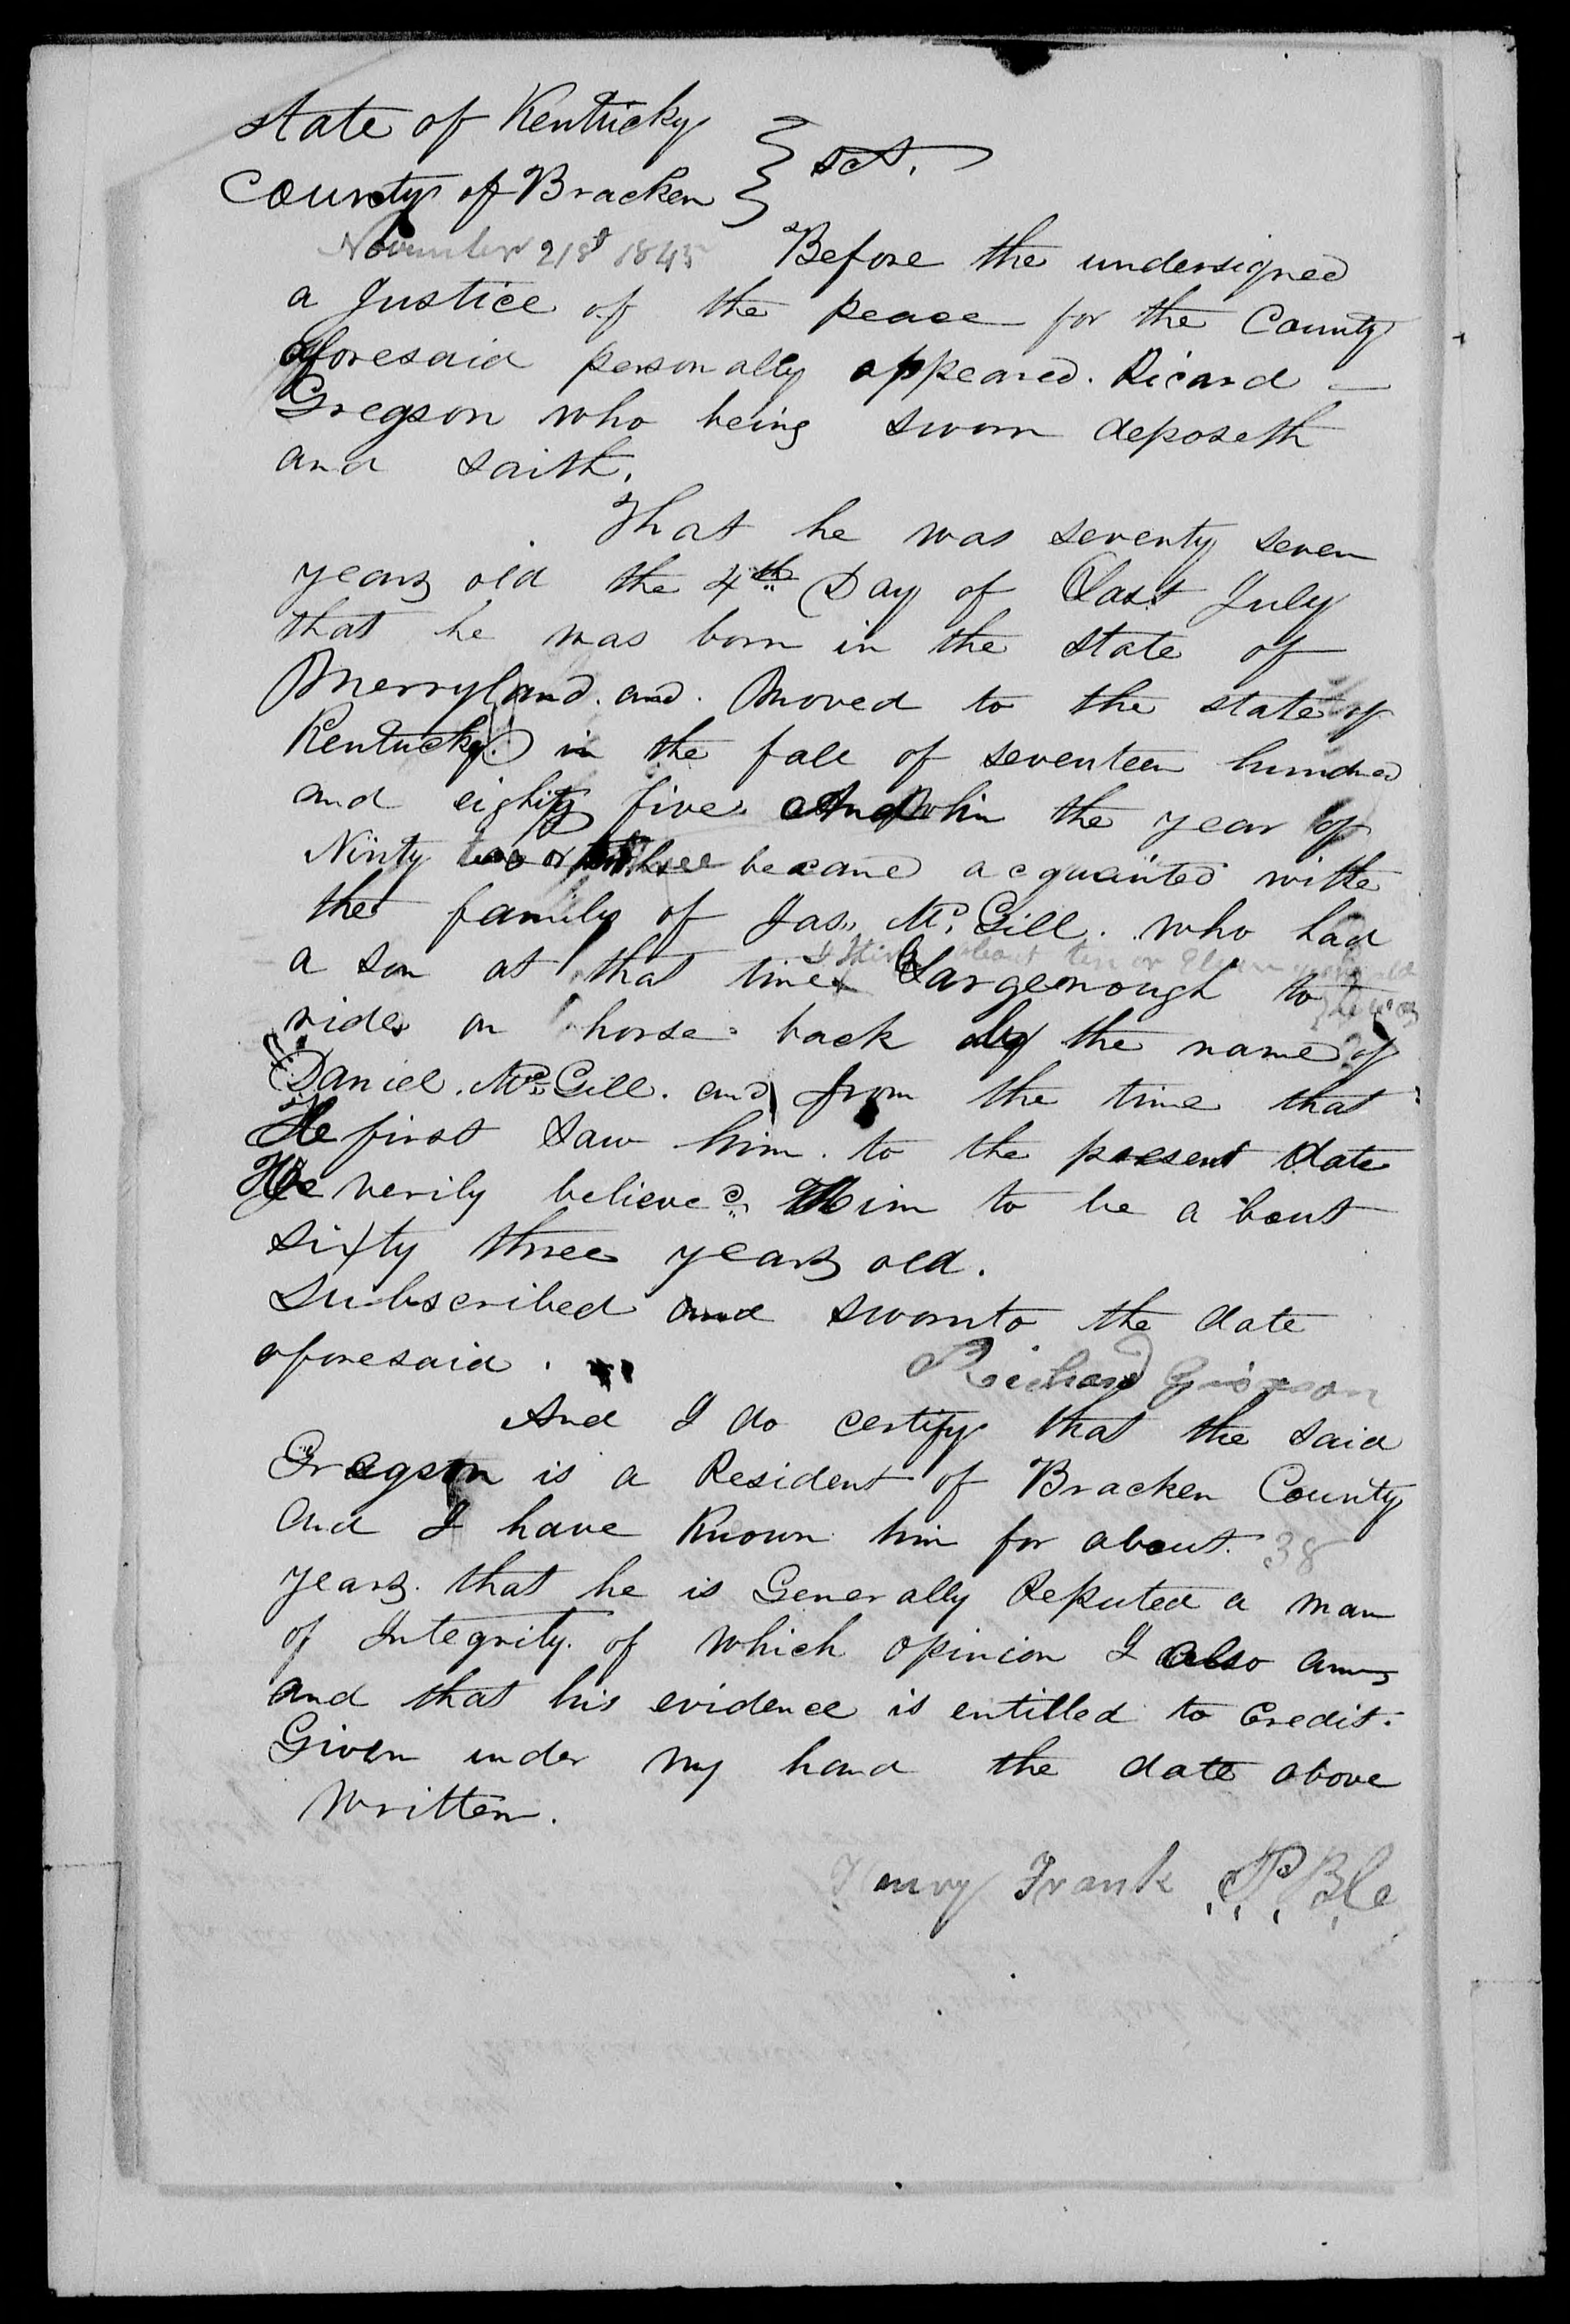Image 107  		4160873_00107               Fold3 File #23857273
 
State of Kentucky County of Bracken sct
November 21st, 1845,  
Before the undersignee a justice of the peace for the county aforesaid personally appeared. Richard Gregson who being sworn deposeth and saith. That he was seventy seven years old the 4th Day of last July that he was born in the state of Maryland and moved to the state of Kentucky in the fall of seventeen hundred and eighty-five. And in the year of ninty [ninety] two or three became acquainted with the family of Jas. McGill who had a son at that time I think about 10 or 11 years old. Large enough to ride on horseback by the name of Daniel McGill and from the time that he first saw him to the present date he verily believed him to be about sixty-three years old.
Subscribed and sworn to the date aforesaid.   Richard Gregson

And I do certify that the said Gregson is a resident of Bracken County and I have known him for about 38 years. That he is generally reputed a man of integrity of which opinion I also [illegible] and that his evidence is entitled to credit.  
Given under my hand the date above written.  Henry Frank  P. Ble.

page: 49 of 71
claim: widow's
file: W. 8428, for James Mc Gill, Pennsylvania